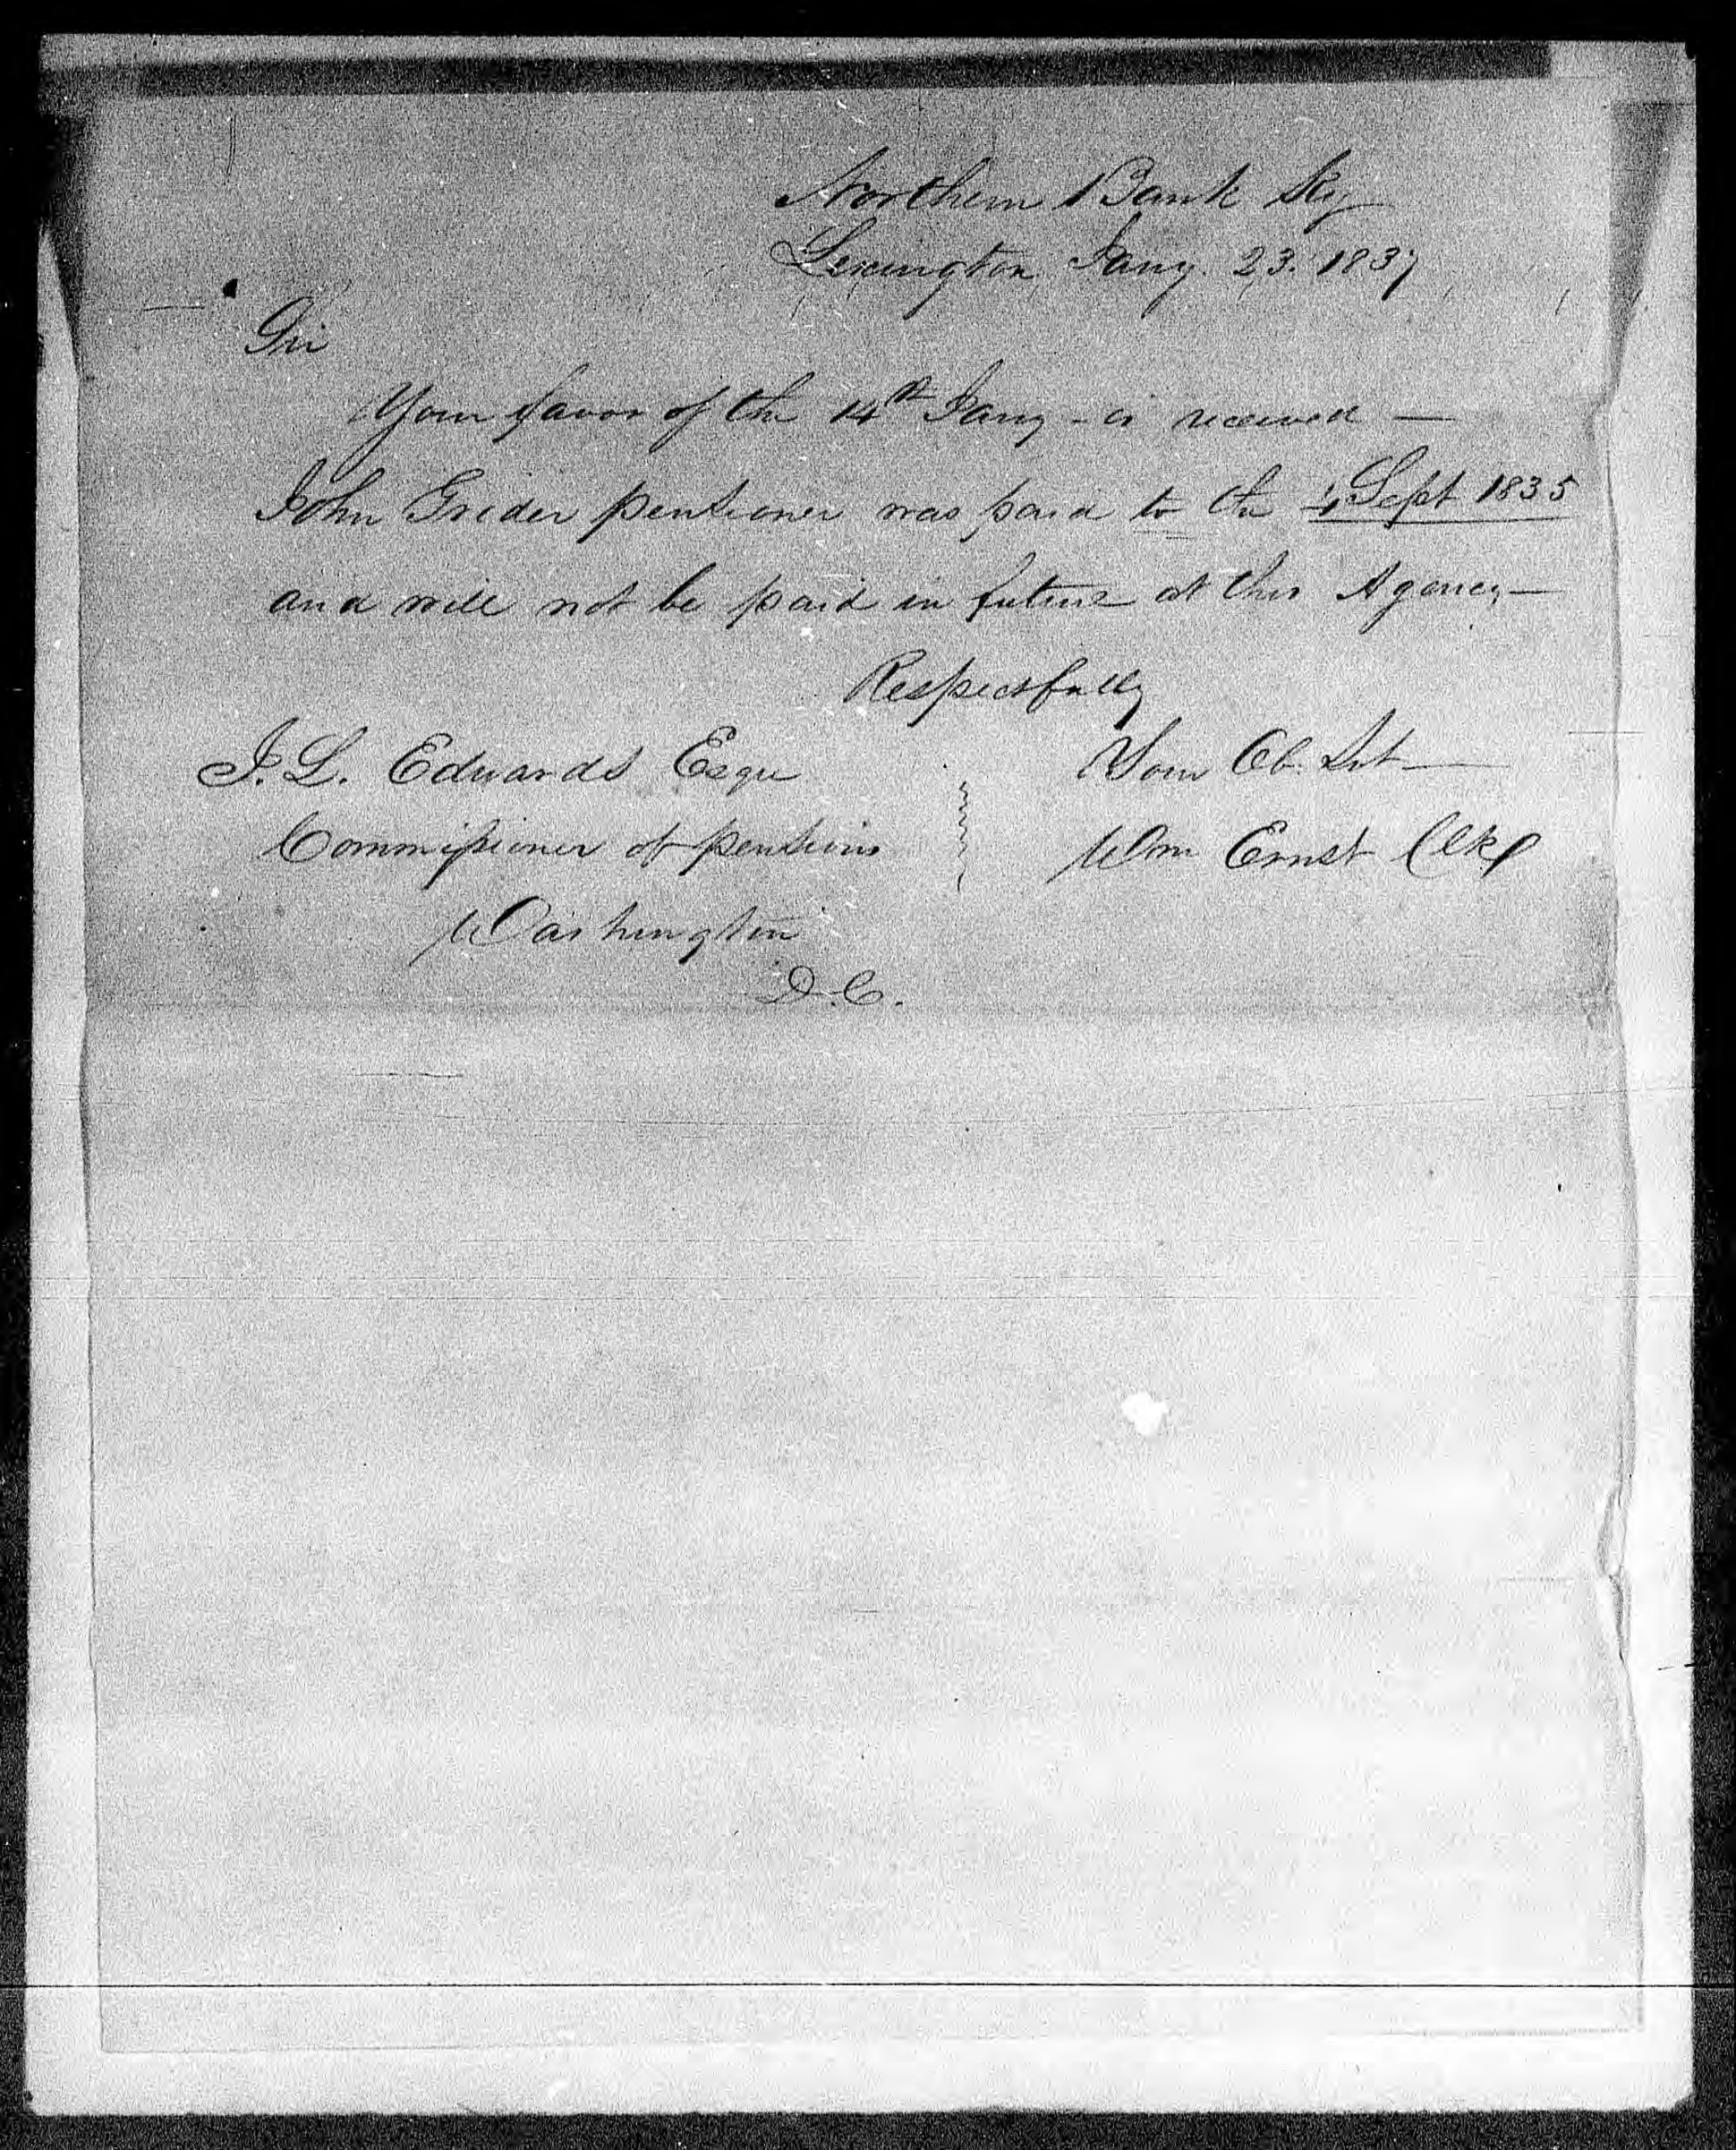Northern Bank KY
Lexington,  Jany 23.1837

Sir
Your favor of the 14th Jany is received- John Grider pensioner was paid to the 4 Sept 1835 and will no be paid in future at this agency
Respectfully
Your Ob Svt-
Wm. Ernst Clk

J.L. Edwards Esq
Commissioner of Pensions
Washington D.C.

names: John Grider, J L Edwards, Wm Ernst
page: 41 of 91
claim: widow's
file: W 358, John Grider, N.C.